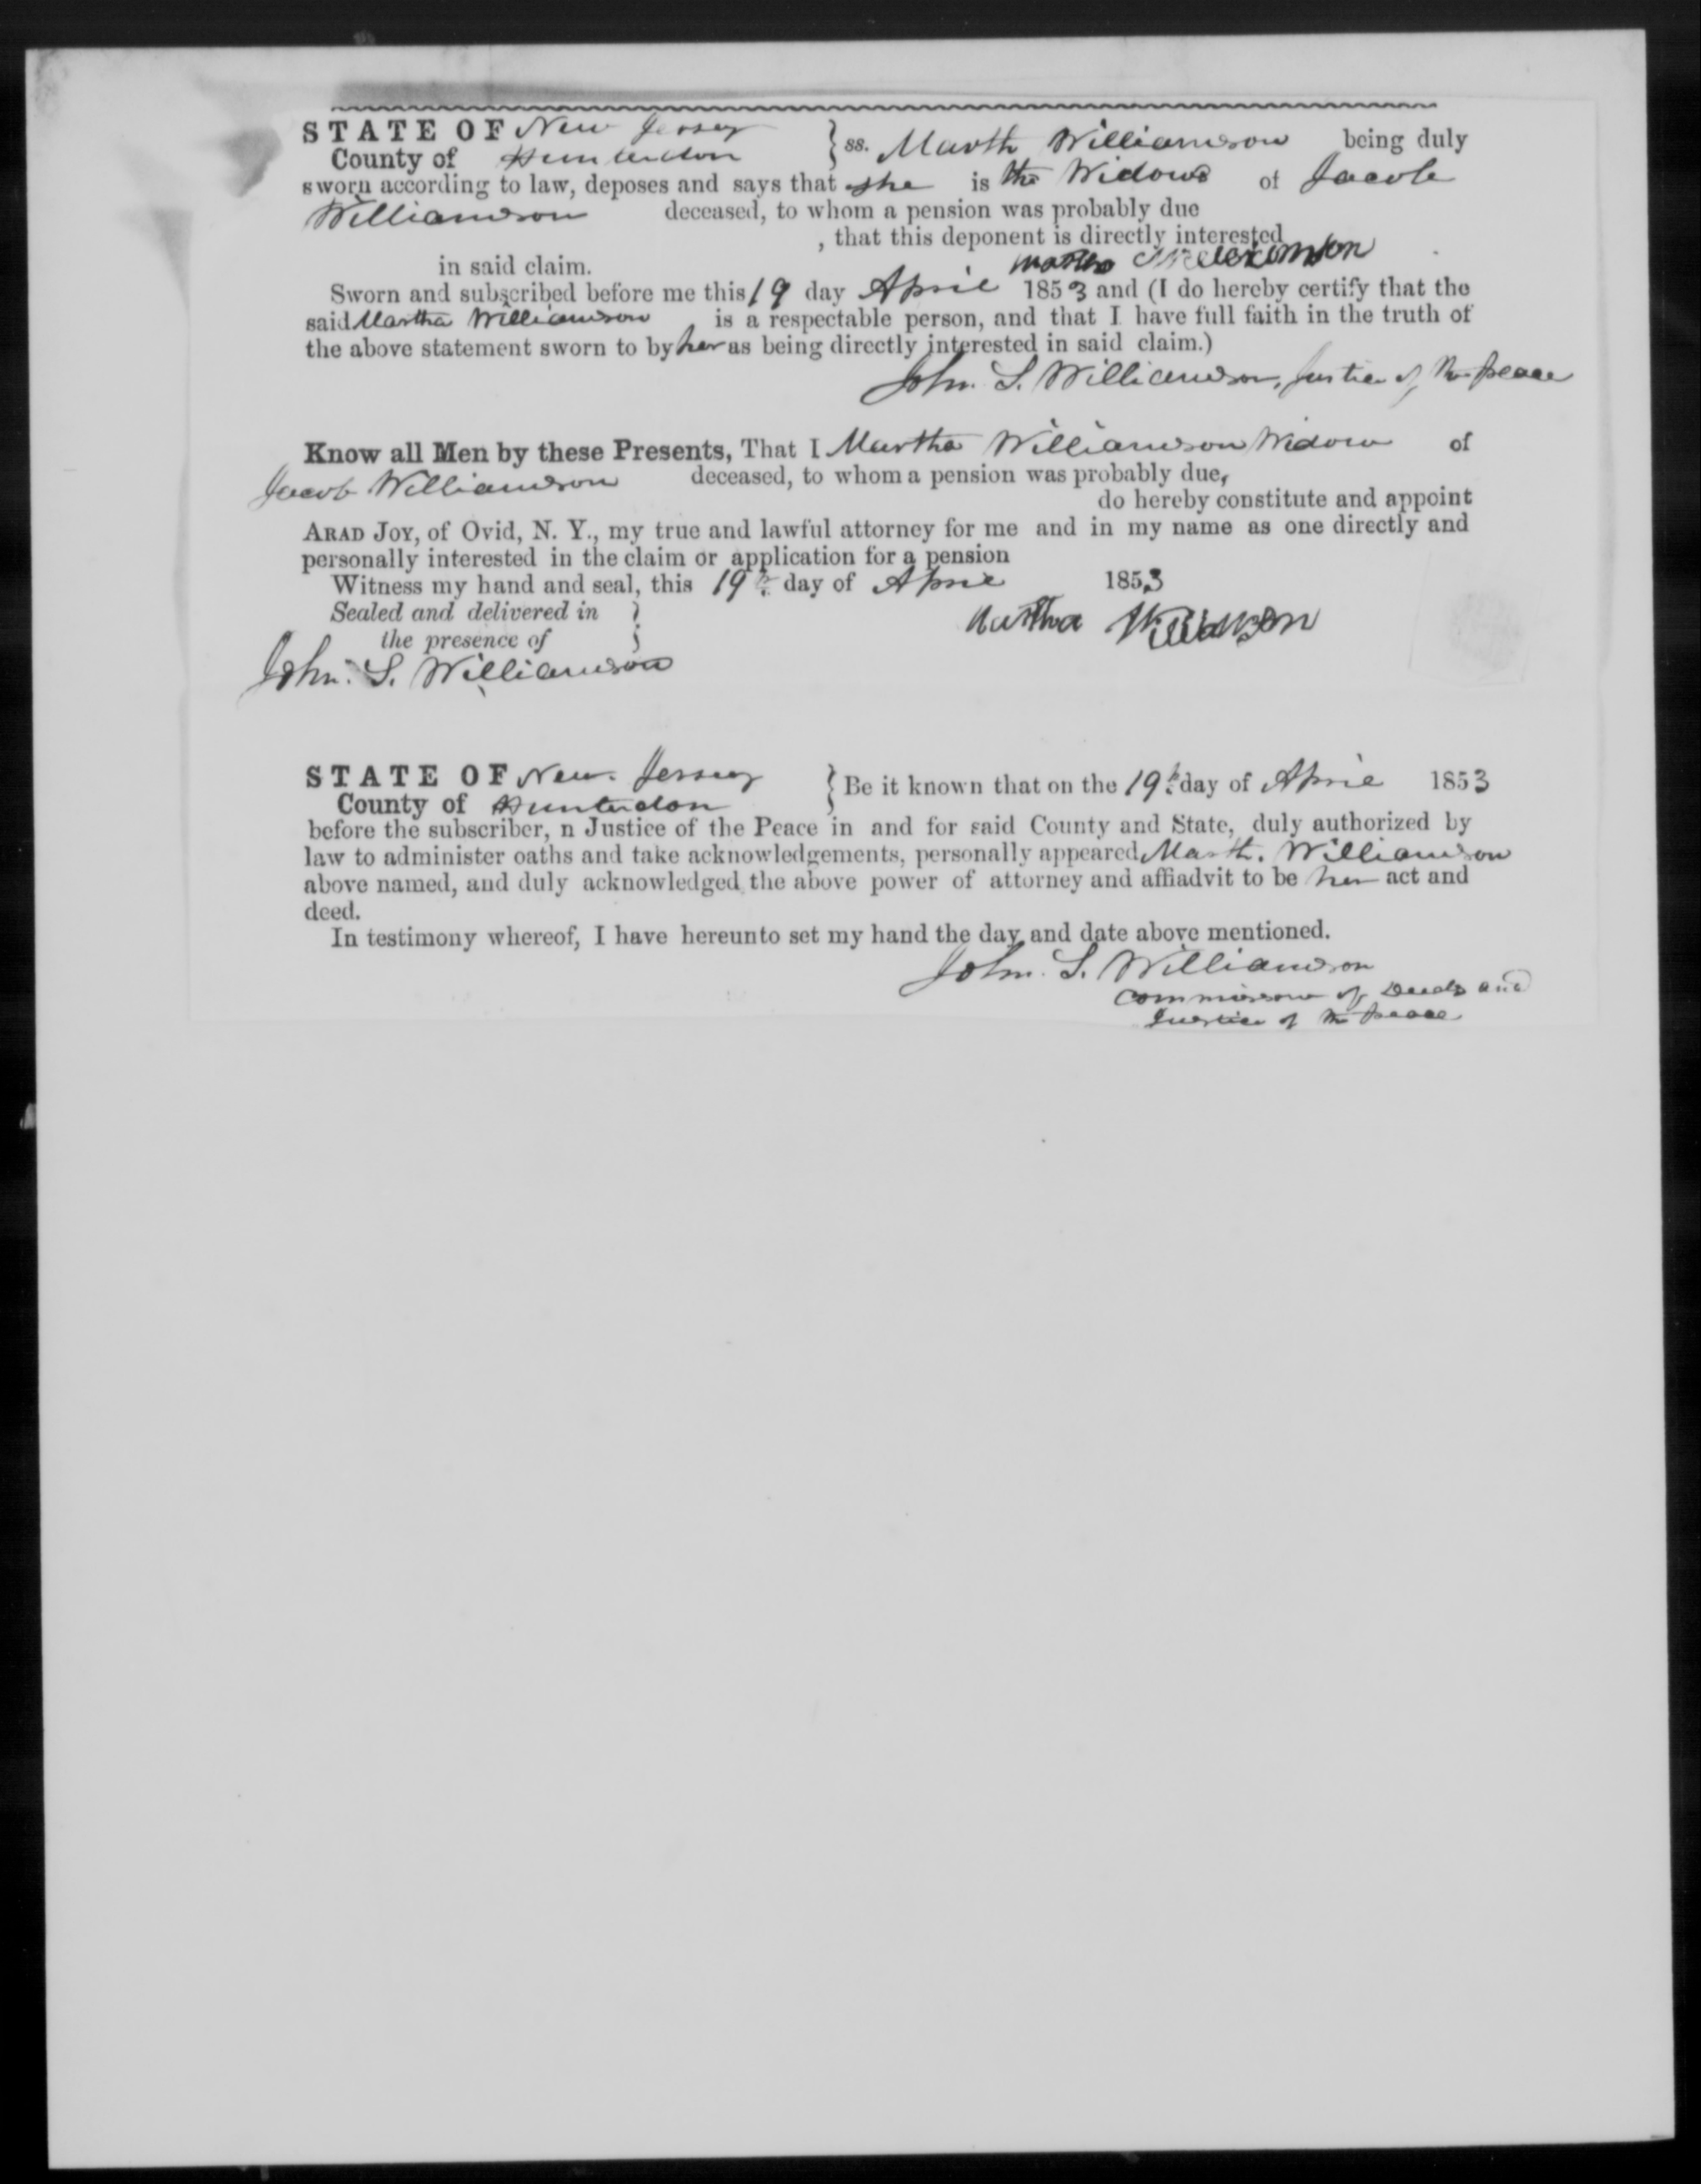STATE OF New Jersey
County of Hunterdon//

Martha Williamson, being duly sworn according to law, deposes and says that she is the widow of Jacob Williamson, deceased, to whom a pension was probably due (blank), that this deponent is directly interested in said claim.
s/ Martha Williamson

Sworn and subscribed before me this 19 day April 1853 and (I do hereby certify that the said Martha Williamson is a respectable person, and that I have full faith in the truth of the above statement sworn to by her as being directly interested in said claim.)

Know all Men by these Presents, That I Martha Williamson, widow of Jacob Williamson, deceased, to whom a pension was probably due, (blank) do hereby constitute and appoint ARAD JOY, of Ovid, N.Y., my true and lawful attorney for me and in my name as one directly and personally interested in the claim or application for a pension. Witness my hand and seal, this 19th day of April 1853.
s/ Martha Williamson

Sealed and delivered in the presence of.
s/ John. S. Williamson

STATE OF New Jersey
County of Hunterdon//

Be it known that on the 19th day of April 1853 before the subscriber, n Justice of the Peace in and for said County and State, duly authorized by
law to administer oaths and take acknowledgements, personally appeared Martha Williamson, above named, and duly acknowledged the above power of attorney and affidavit to be her act and deed.

In testimony whereof, I have hereunto set my hand the day and date above mentioned.
s/ John S. Williamson, Commissioner of Deeds and Justice of the Peace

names: John S Williamson, Jacob Williamson, Martha Williamson, Arad Joy, Marth Williamson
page: 2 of 67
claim: widow's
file: W. 2393, Jacob Williamson, New Jersey